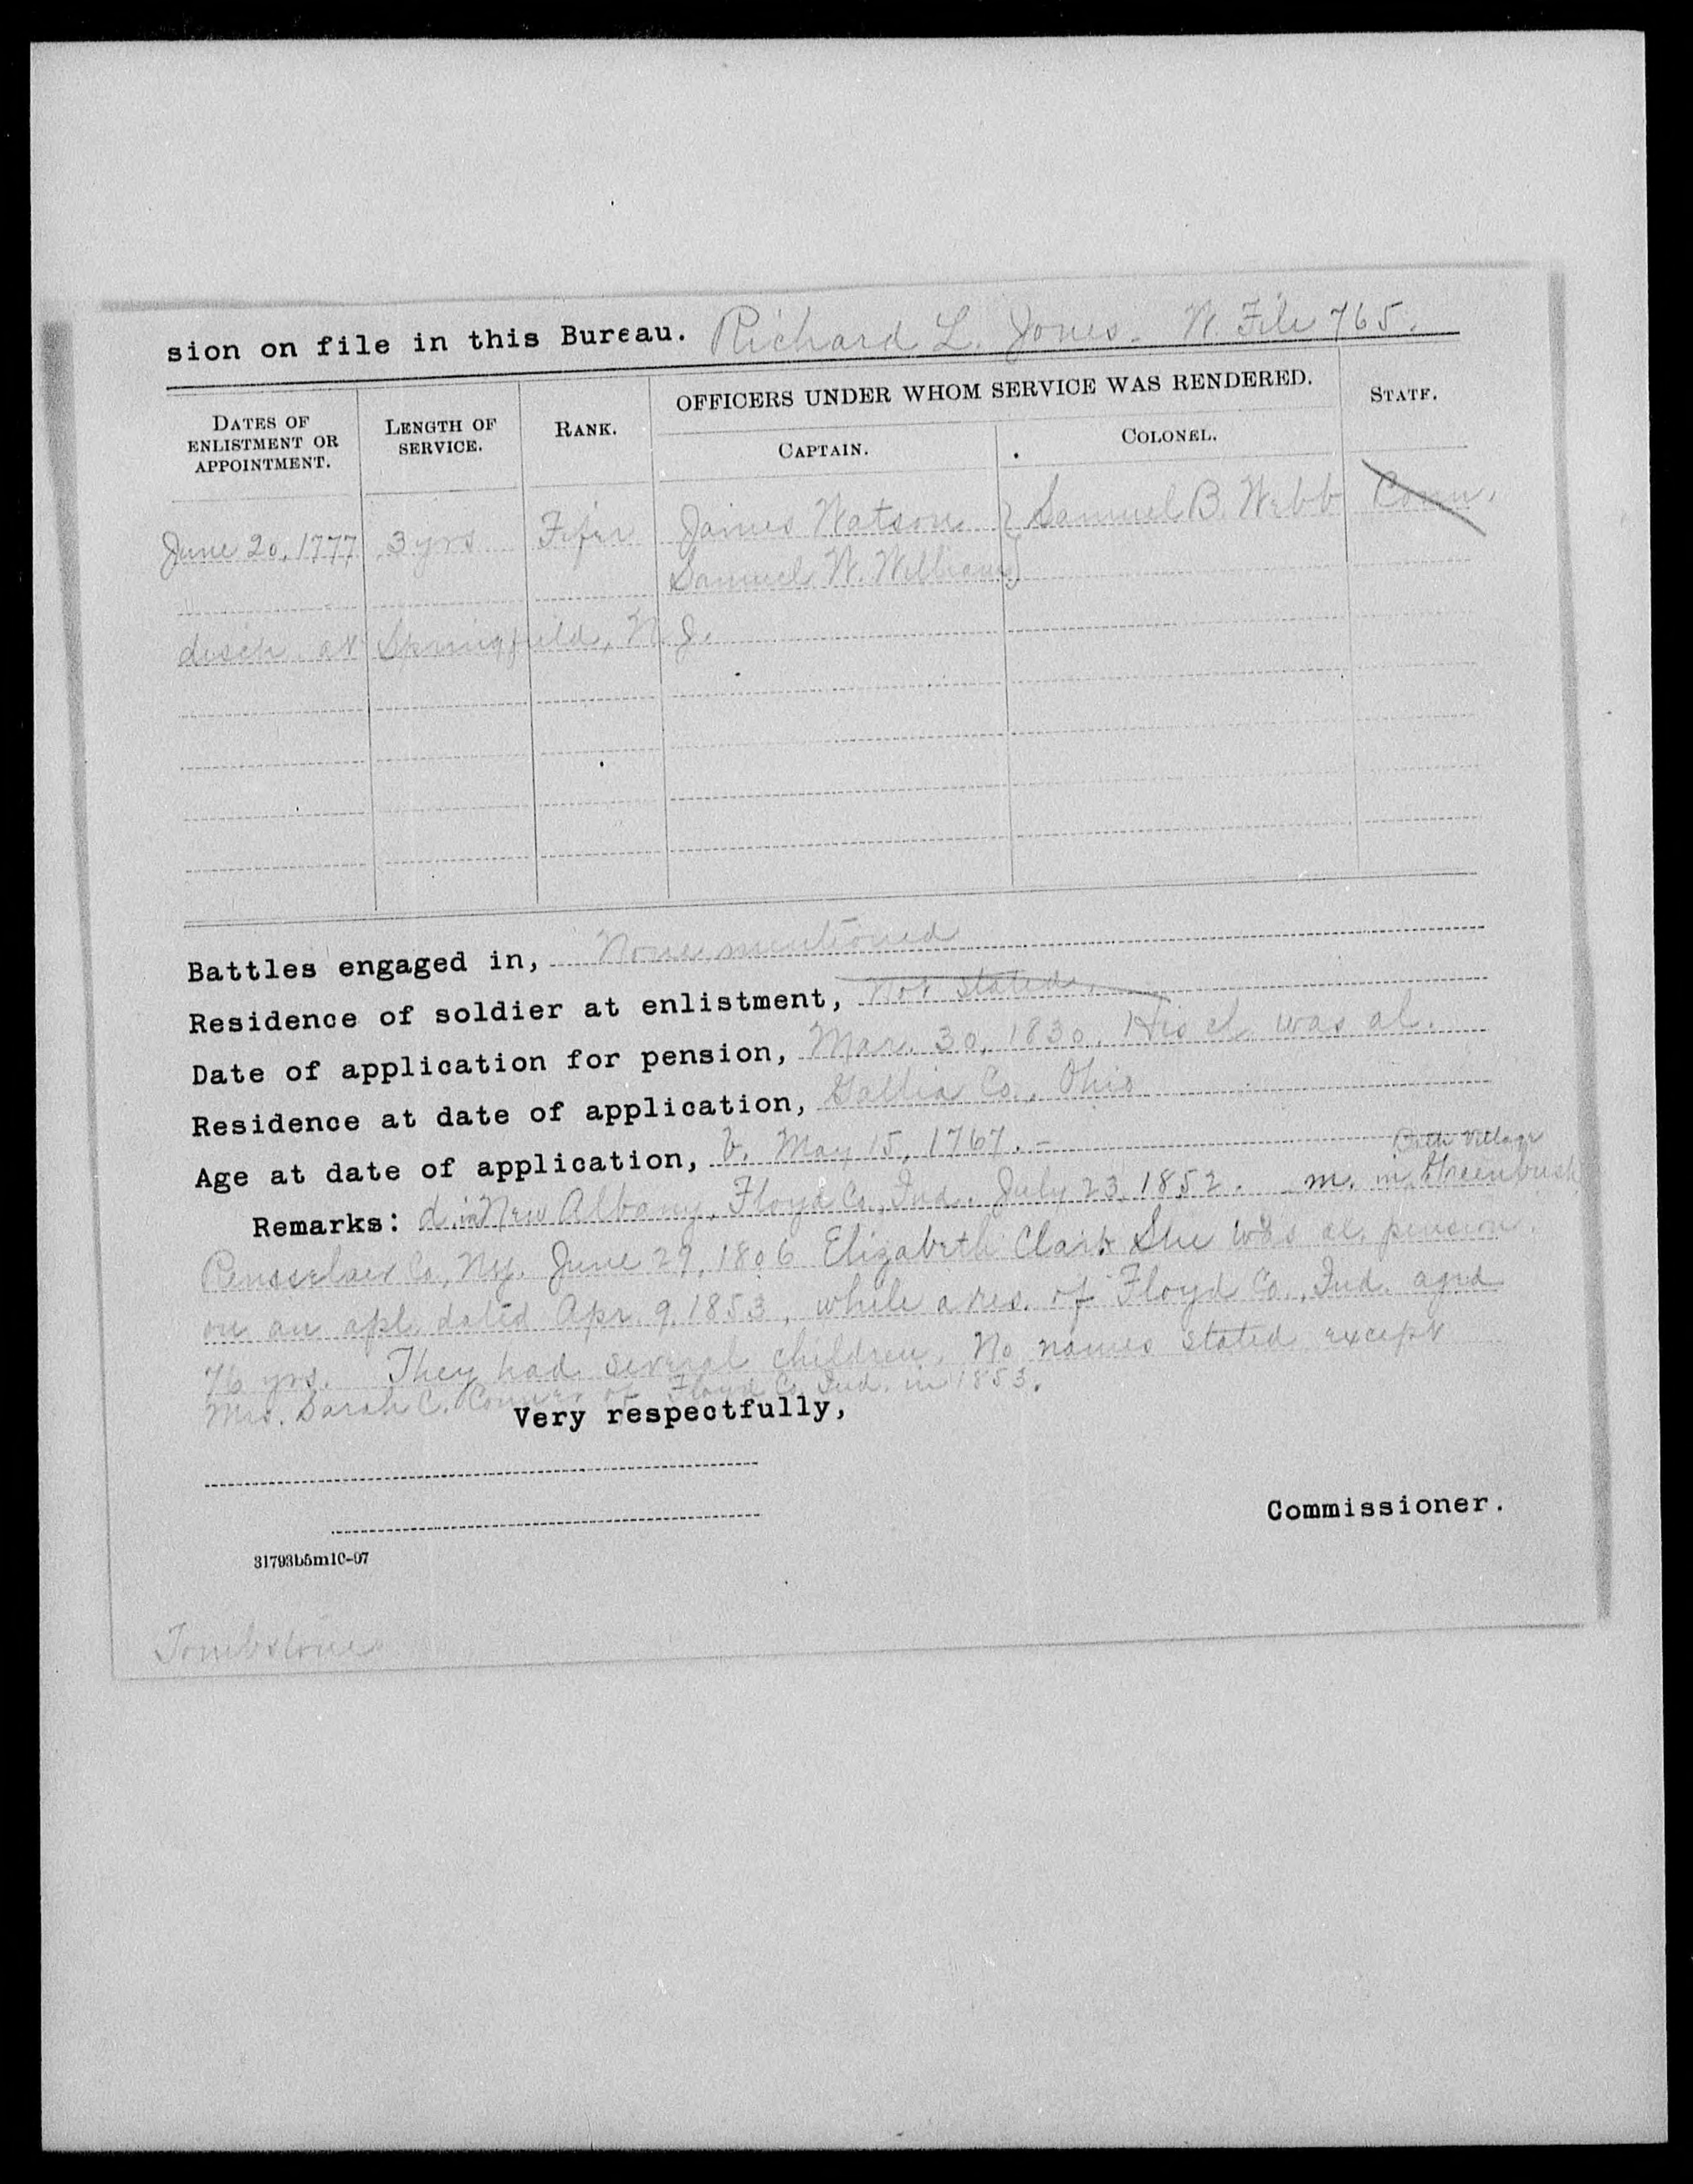sion on file in this Bureau, Richard L. Jones, W. File 765
HEADINGS: DATES OF ENLISTMENT OR
APPOINTMENT. LENGTH OF SERVICE. RANK. OFFICERS UNDER WHOM SERVICE WAS RENDERED, CAPTAIN. COLONEL. STATE.
1. June 20, 1777. 3 YRS. FIFER. JAMES WATSON, SAMUEL W WILLIAMS. SAMUEL B. WEBB. CONN [CROSSED OUT]
2.DISCHARGED SPRINGFIELD N.J.

Battles engaged in, none mentioned
Residence of soldier at enlistment, not stated [crossed out] 
Date of application for pension, Mar. 30 1830 His el was al. 
Residence at date of application, Gallia Co. Ohio
Age at date of application, b. May 15, 1767.
the Village
Remarks: d. in New Albany, Floyd Co. Ind. July 23 1852. m. in Bath Village in Greenbush Renserlaer [Rensselaer] Co, NY. June 29, 1806 Elizabeth Clark. She was al. pension
on an apl. dated Apr 9 1853, while a res. of Floyd Co. Ind. aged 76 yrs. They had several children. No names stated except Mrs. Sarah C. Conner of Floyde Co Ind. in 1853. 
-
Very Respectfully

Commission
[form number: 1793b5m10-07]
Tombsline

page: 22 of 62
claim: widow's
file: W. 765, for Richard L Jones, Connecticut